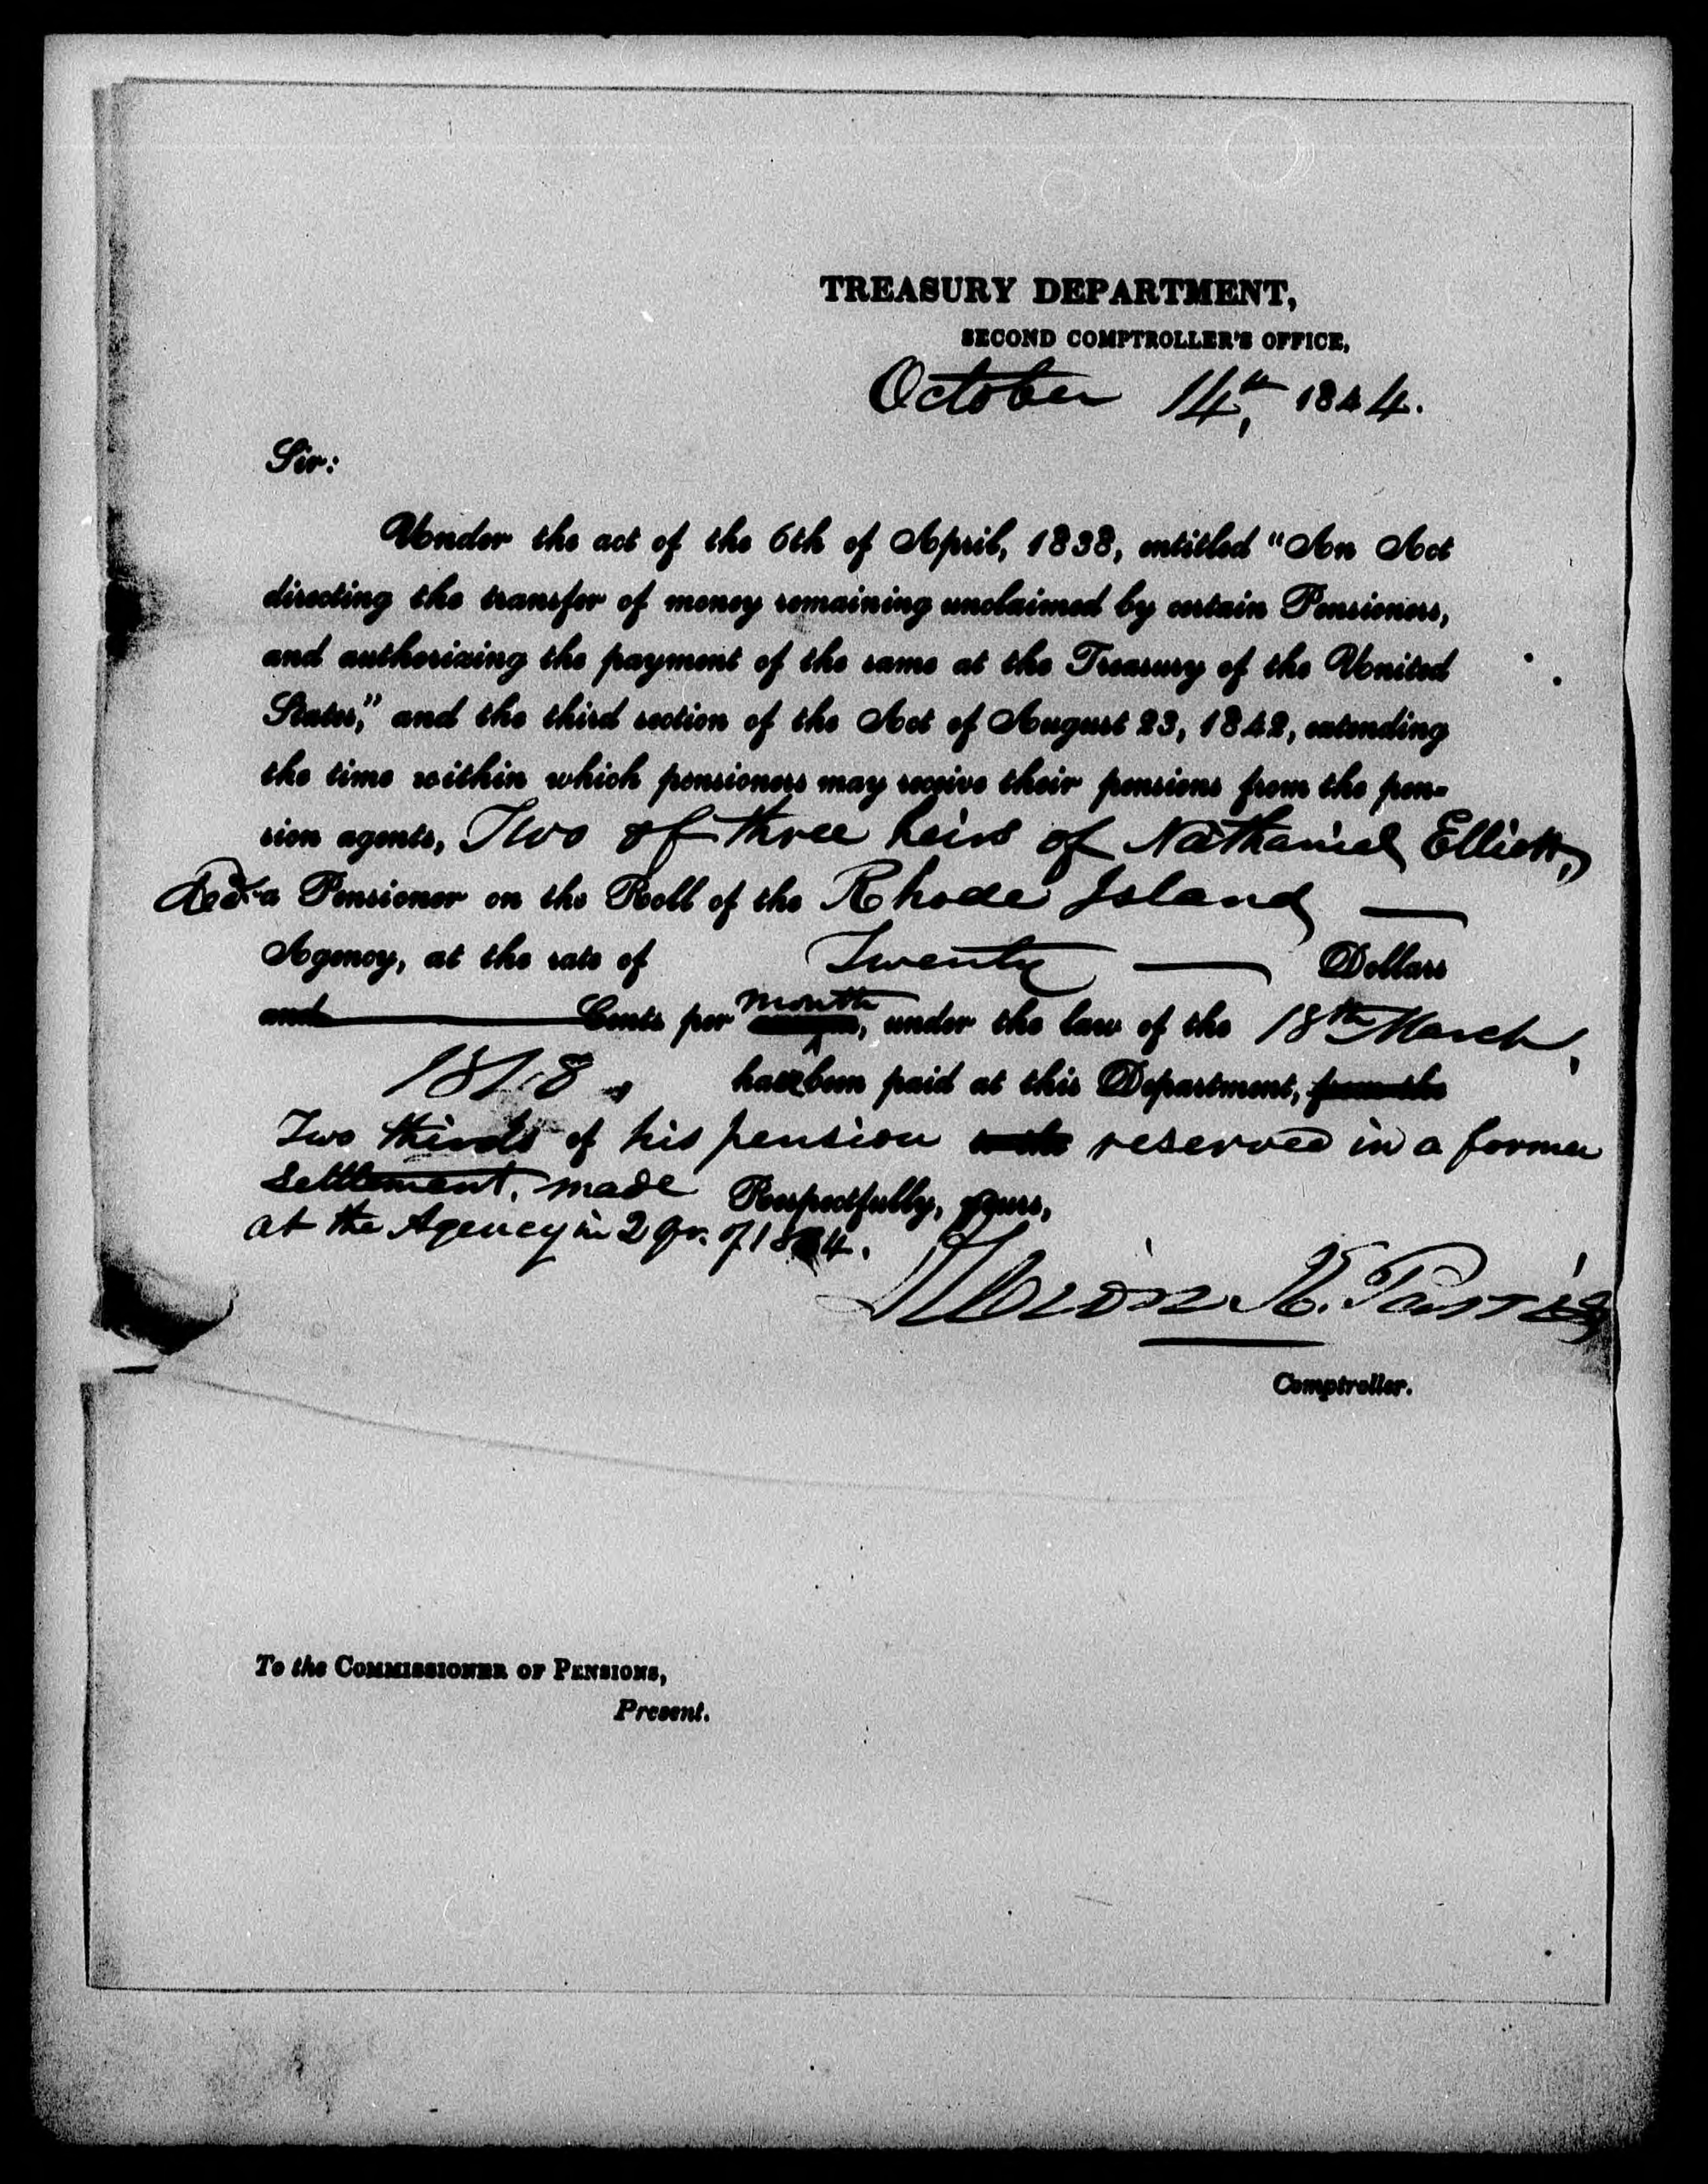TREASURY DEPARTMENT
SECOND COMPTROLLER'S OFFICE,
October 14th 1844
Sir:
Under the act of the 6th of April, 1838, entitled "An Act
directing the transfer of money remaining unclaimed by certain Pensioners, 
and authorizing the payment of the same at the Treasury of the United States”, 
and the third section of the Act of August 23, 1842, extending
the time within which pensioners may give their pensions from the pension 
agents, Two of three heirs of Nathaniel Elliott,
dec’d. Pensioner on the Roll of the Rhode Island
Agency, at the rate of Twenty Dollars
per month under the law of the 18th March
1818 have been paid at this Department,
Two thirds of his pension reserved in a former
Settlement, made
at the Agency in 2 qr. of 18x4
Albion K. Parris
Comptroller.
To the COMMISSIONER OF PENSIONS,
Present.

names: Albion K Parris, Nathaniel Elliott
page: 9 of 29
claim: survivor's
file: S. 38679, Nathaniel Elliot, Continental R.I.